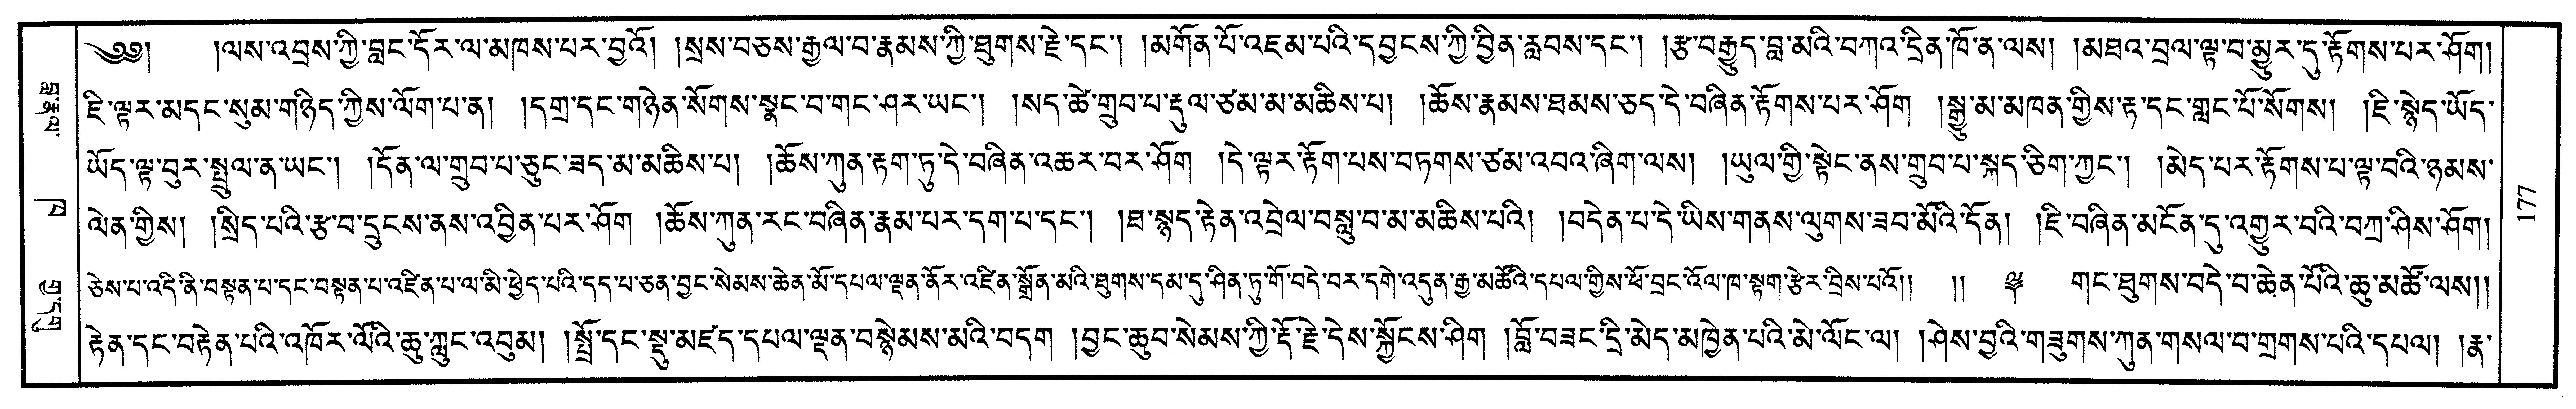༄༅། །ལས་འབྲས་ཀྱི་བླང་དོར་ལ་མཁས་པར་བྱའོ། །སྲས་བཅས་རྒྱལ་བ་རྣམས་ཀྱི་ཐུགས་རྗེ་དང་། །མགོན་པོ་འཇམ་པའི་དབྱངས་ཀྱི་བྱིན་རླབས་དང་། །རྩ་བརྒྱུད་བླ་མའི་བཀའ་དྲིན་ཁོ་ན་ལས། །མཐའ་བྲལ་ལྟ་བ་མྱུར་དུ་རྟོགས་པར་ཤོག །
ཇི་ལྟར་མདང་སུམ་གཉིད་ཀྱིས་ལོག་པ་ན། །དགྲ་དང་གཉེན་སོགས་སྣང་བ་གང་ཤར་ཡང་། །སད་ཚེ་གྲུབ་པ་རྡུལ་ཙམ་མ་མཆིས་པ། །ཆོས་རྣམས་ཐམས་ཅད་དེ་བཞིན་རྟོགས་པར་ཤོག །སྒྱུ་མ་མཁན་གྱིས་རྟ་དང་གླང་པོ་སོགས། །ཇི་སྙེད་ཡོད་
ཡོད་ལྟ་བུར་སྤྲུལ་ན་ཡང་། །དོན་ལ་གྲུབ་པ་ཅུང་ཟད་མ་མཆིས་པ། །ཆོས་ཀུན་རྟག་ཏུ་དེ་བཞིན་འཆར་བར་ཤོག །དེ་ལྟར་རྟོག་པས་བཏགས་ཙམ་འབའ་ཞིག་ལས། །ཡུལ་གྱི་སྟེང་ནས་གྲུབ་པ་སྐད་ཅིག་ཀྱང་། །མེད་པར་རྟོགས་པ་ལྟ་བའི་ཉམས་
ལེན་གྱིས། །སྲིད་པའི་རྩ་བ་དྲུངས་ནས་འབྱིན་པར་ཤོག །ཆོས་ཀུན་རང་བཞིན་རྣམ་པར་དག་པ་དང་། །ཐ་སྙད་རྟེན་འབྲེལ་བསླུ་བ་མ་མཆིས་པའི། །བདེན་པ་དེ་ཡིས་གནས་ལུགས་ཟབ་མོའི་དོན། །ཇི་བཞིན་མངོན་དུ་འགྱུར་བའི་བཀྲ་ཤིས་ཤོག།
ཅེས་པ་འདི་ནི་བསྟན་པ་དང་བསྟན་པ་འཛིན་པ་ལ་མི་ཕྱེད་པའི་དད་པ་ཅན་བྱང་སེམས་ཆེན་མོ་དཔལ་ལྡན་ནོར་འཛིན་སྒྲོན་མའི་ཐུགས་དམ་དུ་ཤིན་ཏུ་གོ་བདེ་བར་དགེ་འདུན་རྒྱ་མཚོའི་དཔལ་གྱིས་ཕོ་བྲང་འོལ་ཁ་སྟག་རྩེར་བྲིས་པའོ།། །། ༈ གང་ཐུགས་བདེ་བ་ཆེན་པོའི་ཆུ་མཚོ་ལས།།
རྟེན་དང་བརྟེན་པའི་འཁོར་ལོའི་ཆུ་ཀླུང་འབུམ། །སྤྲོ་དང་སྡུ་མཛད་དཔལ་ལྡན་བསྙེམས་མའི་བདག །བྱང་ཆུབ་སེམས་ཀྱི་རྡོ་རྗེ་དེས་སྐྱོངས་ཤིག །བློ་བཟང་དྲི་མེད་མཁྱེན་པའི་མེ་ལོང་ལ། །ཤེས་བྱའི་གཟུགས་ཀུན་གསལ་བ་གྲགས་པའི་དཔལ། །རྣ་